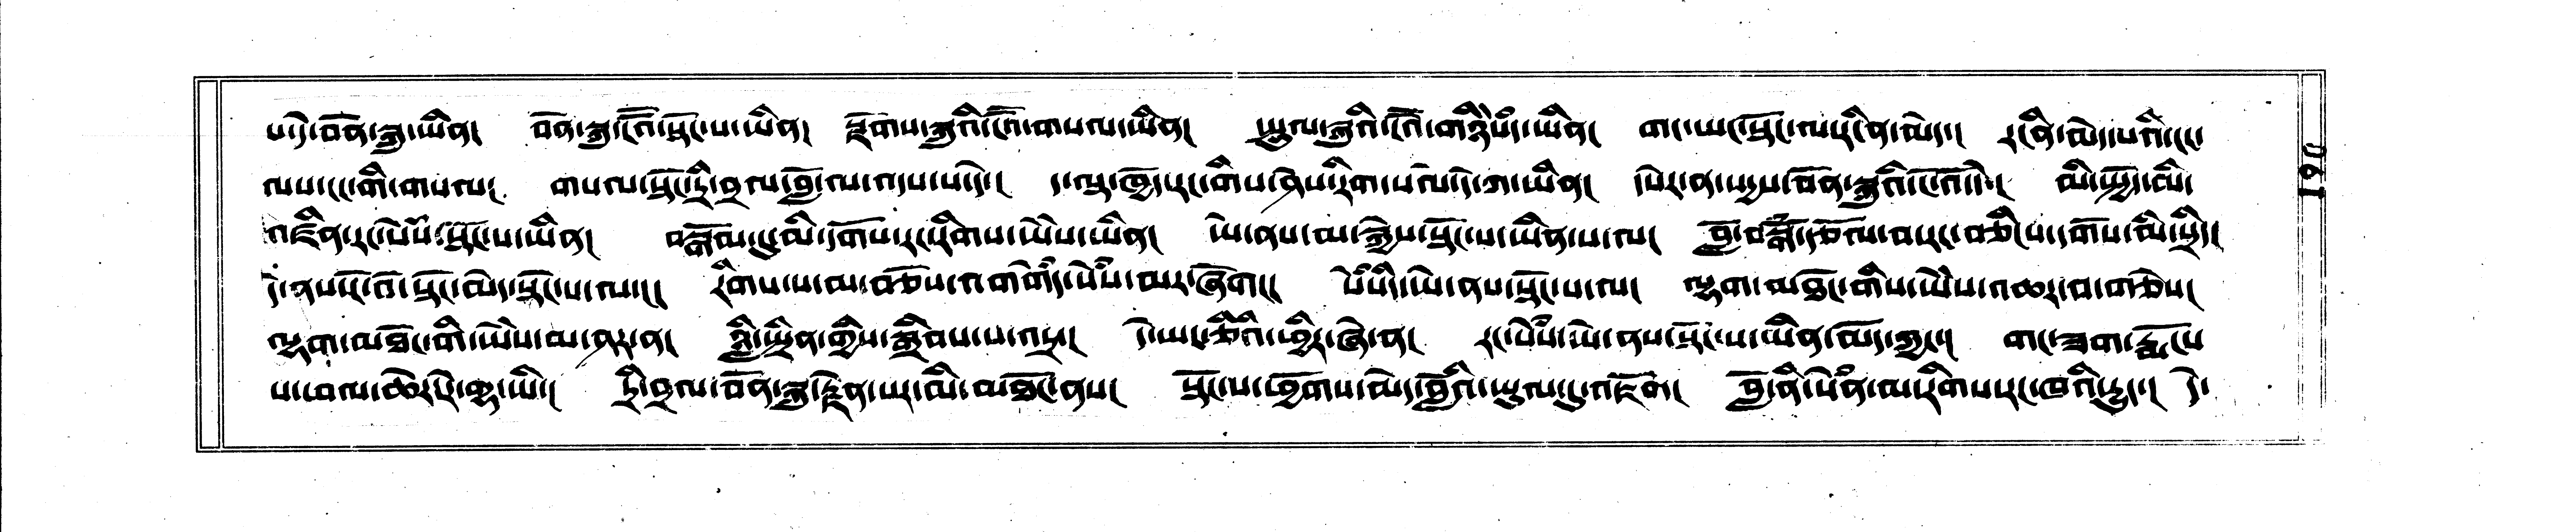་པ་དེ་བོན་སྐུ་ཡིན། བོན་སྐུ་ངོའོ་སྟོང་པ་ཡིན། རྫོགས་སྐུའི་ངོའོ་གསལ་བ་ཡིན། སྤྲུལ་སྐུའི་ངོའོ་གཉིེས་མེད་ཡིན། གང་ཡང་སྟོང་པ་རང་བཞིན་མེད། རང་བཞིན་མེད་པའི་ངང་
ལ་ངང་གིས་གསལ། གསལ་སྟོང་དྲི་བྲལ་བློ་ལས་འདས་པ་དེ། ད་ལྟ་ཁྱོད་རང་གིས་ཤེས་རིག་གསལ་བ་དེ་ཀ་ཡིན། དེ་ནས་ཡེ་ནས་སངས་རྒྱས་བོན་སྐུའི་ངོའོ་དེ། མི་སྤྱོད་མི་
འཛིན་རང་སེམས་སྟོང་པ་ཡིན། སྒོམ་དུ་མི་དགོས་རང་རིག་ཡེ་ཤེས་འདི། ཡེ་ནས་མ་སྐྱེས་སྟོང་པ་ཡིན་པ་ལ། བློས་སྒོམ་རྩོལ་བས་རང་བཅིང་དགོས་མི་སྲིད།
དེ་ནས་ངོའོ་རྟོག་མེད་སྟོང་པ་ལ། རིག་པ་འགག་མེད་མ་བཅོས་སོ་མར་ཞོག སེམས་ཉིད་ཡེ་ནས་སྟོང་པ་ལ། ལྷག་མཐོང་གི་ཡེ་ཤེས་འཆར་བ་ཅེས་‘‘གཅེས”། 
ལྷག་མཐོང་གི་ཡེ་ཤེས་མ་ཤར་ན། ཉི་ཟླ་སྤྲིན་གྱིས་སྒྲིབ་པ་འདྲ། དེ་ཡང་ཅིའི་ཕྱིར་ཞེ་ན། རང་སེམས་ཡེ་ནས་སྟོང་པ་ཡིན་མོད་སྟེ། གང་ཟག་རྨོངས་
པ་ཕལ་ཆེར་རེ་གྷ(འགའ)་ཡི། དྲི་བྲལ་བོན་སྐུ་རྗེན་པར་མི་མཐོང་ནས། སྟོང་པ་ཕྱོགས་འཇོག་བློའི་ཡུལ་དུ་བཞག བློ་ནི་མ་རིག་སེམས་ཅན་རང་ཁའི་རྒྱུད། དེ་